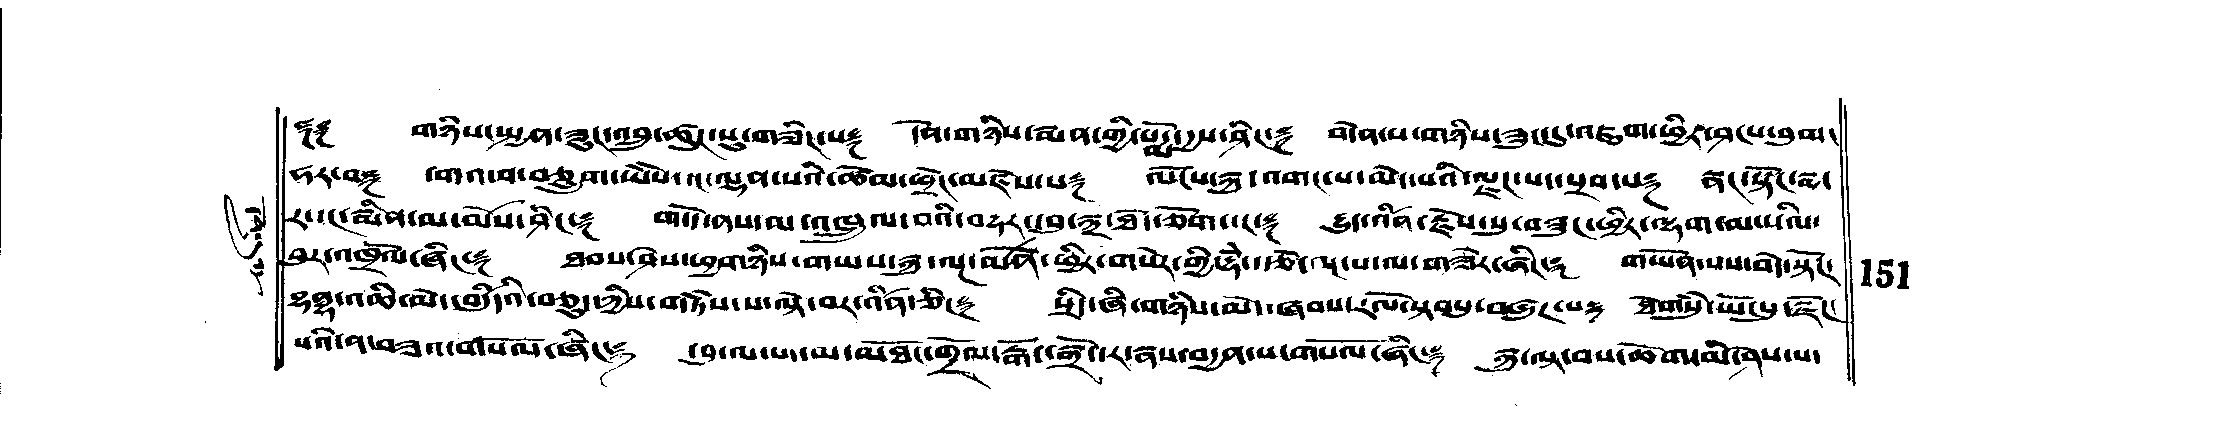གཉིས་སྤྱན་ཟུང་འབྲུ་ཚུགས་སུ་གཟིགས་པ། དོན་གཉིས་སྨན་གྱི་པདྨོ་རྒྱས་ཤིང་། བདེན་པ་གཉིས་ཟུང་དུ་འཇུག་ཕྱིར་ཤངས་བུག་
ཧར་བ། དགའ་བ་བཅུ་དྲུག་ཡེ་ཤེས་དང་ལྡན་པའི་ཚེམས་ཕྲེང་མཛེས་པ།ལོངས་སྐུ་འགགས་པ་མེད་པའི་ལྗགས་པད་སྲབ་པ། སྣང་སྟོང་སྨ་
ར་དང་སྨིན་མ་མཛེས་ཤིང་། གདོད་ནས་མ་འཁྲུལ་བའི་བརྡར་དབུ་སྐྲ་ཐོར་ཅོག་དང་། རྒྱུད་འཛིན་རྗེས་སུ་བཟུང་ཕྱིར་ལྷག་མ་སིལ་
བུར་འཁྲོལ་ཞིང་། ཐབས་ཤེས་ཕྱག་གཉིས་གཡས་སྐུ་ལྔ་མཚོན་ཕྱིར་གསེར་གྱི་རྡོ་རྗེ་རྩེ་ལྔ་པ་ལ་གཟེར་ཞིང་། གཡོན་པས་བདེ་སྟོང་
བྷནྡྷ་འཆི་མེད་བདུད་རྩིའི་བཅུད་ཀྱིས་གཏམས་པ་ལྟེ་བར་འཛིན་ཅིང་། སྲིད་ཞི་གཉིས་མེད་ཞབས་རོལ་སྟབས་སུ་བཞུགས་པ། ཐེག་གསུམ་ཡོངས་སུ་རྫོགས་
པའི་ན་བཟའ་གསོལ་ཞིང་། དབུ་ལ་པད་མ་མཐོང་གྲོལ་རྒོད་སྒྲོ་དར་སྣས་བརྒྱན་པ་གསོལ་ཞིང་། སྐུ་ལྟ་བས་ཆོག་མི་ཤེས་པ་